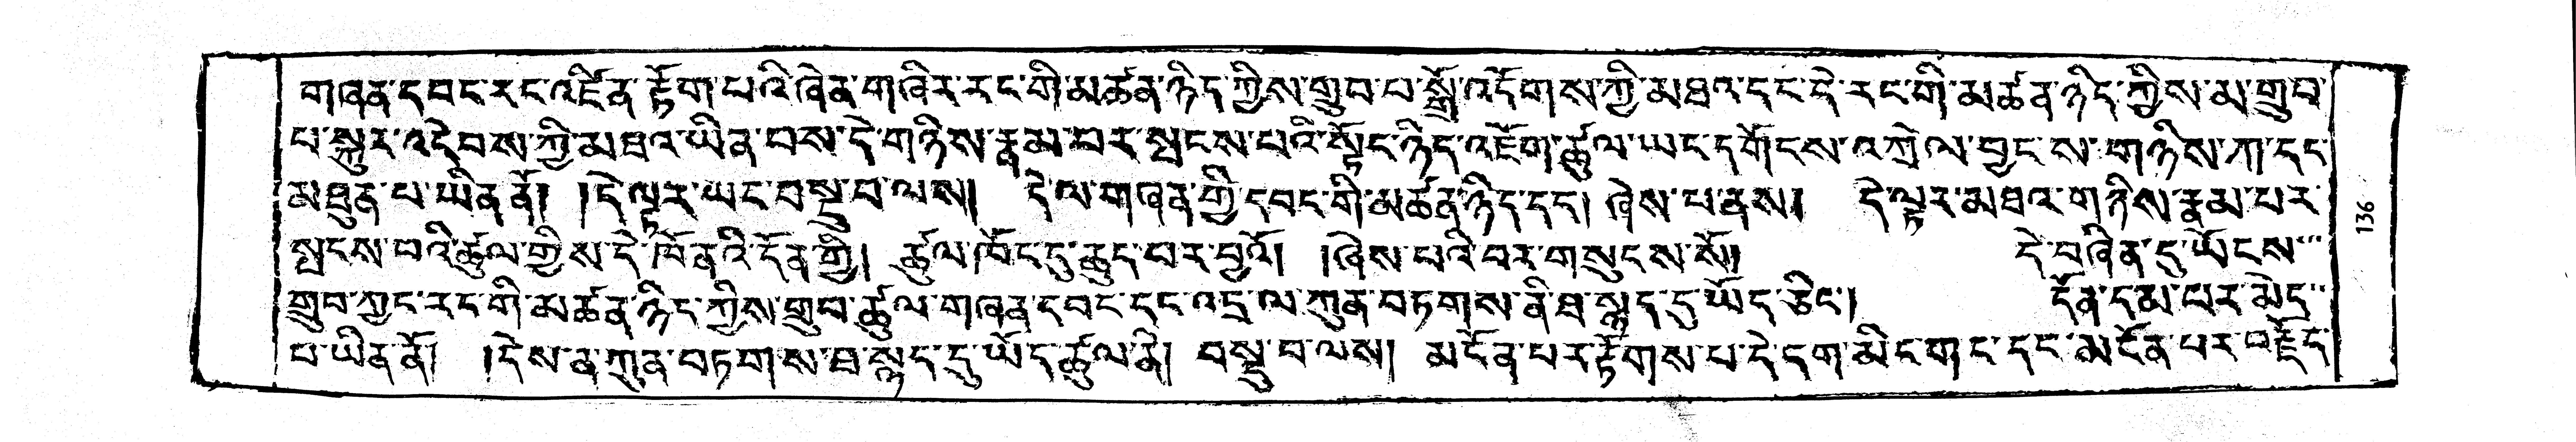གཞན་དབང་རང་འཛིན་རྟོག་པའི་ཞེན་གཞིར་རང་གི་མཚན་ཉིད་ཀྱིས་གྲུབ་པ་སྒྲོ་འདོགས་ཀྱི་མཐའ་དང་དེ་རང་གི་མཚན་ཉིད་ཀྱིས་མ་གྲུབ་
པ་སྐུར་འདེབས་ཀྱི་མཐའ་ཡིན་པས་དེ་གཉིས་རྣམ་པར་སྤངས་པའི་སྟོང་ཉིད་འཇོག་ཚུལ་ཡང་དགོངས་འགྲེལ་བྱང་ས་གཉིས་ཀ་དང་
མཐུན་པ་ཡིན་ནོ། །དེ་ལྟར་ཡང་བསྡུ་བ་ལས། དེ་ལ་གཞན་གྱི་དབང་གི་མཚན་ཉིད་དང་། ཞེས་པ་ནས། དེ་ལྟར་མཐའ་གཉིས་རྣམ་པར་
སྤངས་པའི་ཚུལ་གྱིས་དེ་ཁོ་ནའི་དོན་གྱི། ཚུལ་ཁོང་དུ་ཆུད་པར་བྱའོ། །ཞེས་པའི་བར་གསུངས་སོ། དེ་བཞིན་དུ་ཡོངས་
གྲུབ་ཀྱང་རང་གི་མཚན་ཉིད་ཀྱིས་གྲུབ་ཚུལ་གཞན་དབང་དང་འདྲ་ལ་ཀུན་བཏགས་ནི་ཐ་སྙད་དུ་ཡོད་ཅིང་། དོན་དམ་པར་མེད་
པ་ཡིན་ནོ། །དེས་ན་ཀུན་བཏགས་ཐ་སྙད་དུ་ཡོད་ཚུལ་ནི། བསྡུ་བ་ལས། མངོན་པར་རྟོགས་པ་དེ་དག་མིང་གང་དང་མངོན་པར་བརྗོད་